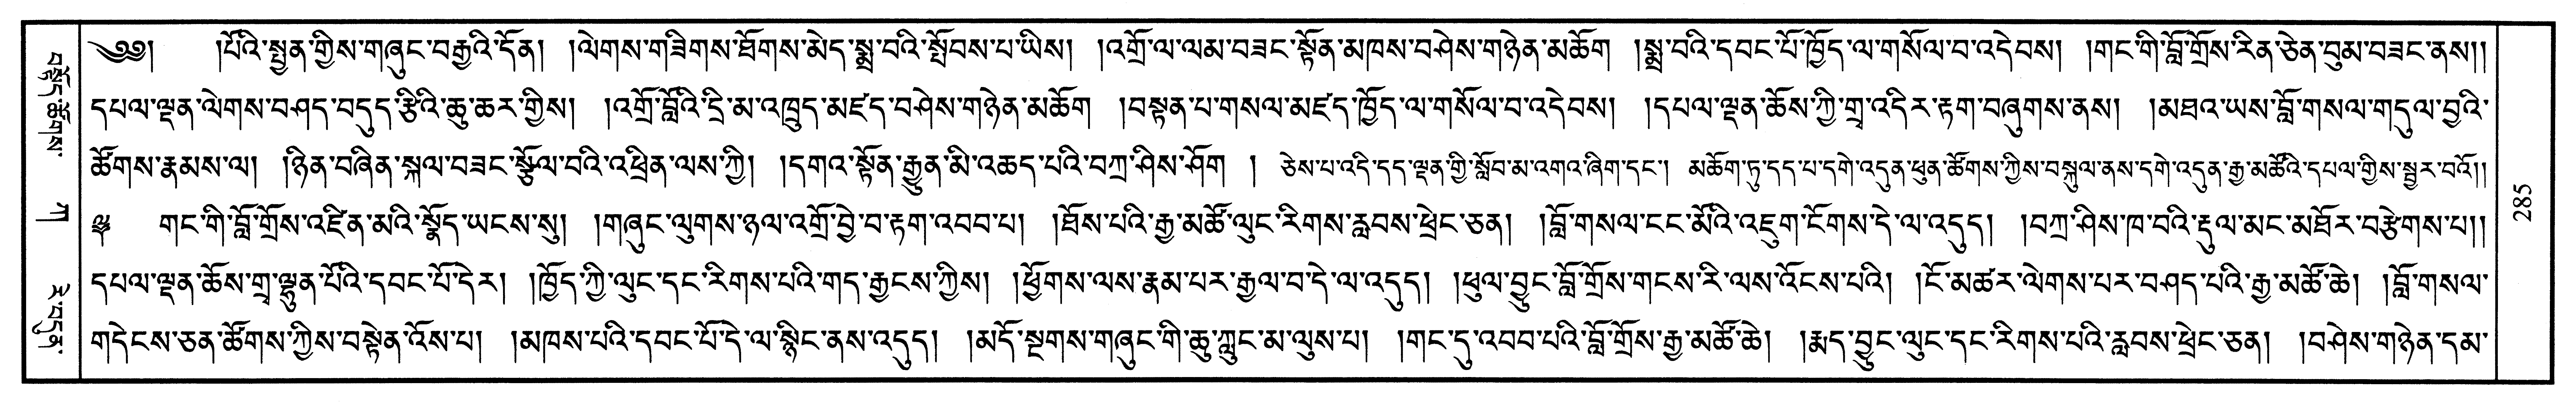༄༅། །པོའི་སྤྱན་གྱིས་གཞུང་བརྒྱའི་དོན། །ལེགས་གཟིགས་ཐོགས་མེད་སྨྲ་བའི་སྤོབས་པ་ཡིས། །འགྲོ་ལ་ལམ་བཟང་སྟོན་མཁས་བཤེས་གཉེན་མཆོག །སྨྲ་བའི་དབང་པོ་ཁྱོད་ལ་གསོལ་བ་འདེབས། །གང་གི་བློ་གྲོས་རིན་ཅེན་བུམ་བཟང་ནས།།
དཔལ་ལྡན་ལེགས་བཤད་བདུད་རྩིའི་ཆུ་ཆར་གྱིས། །འགྲོ་བློའི་དྲི་མ་འཁྲུད་མཛད་བཤེས་གཉེན་མཆོག །བསྟན་པ་གསལ་མཛད་ཁྱོད་ལ་གསོལ་བ་འདེབས། །དཔལ་ལྡན་ཆོས་ཀྱི་གྲྭ་འདིར་རྟག་བཞུགས་ནས། །མཐའ་ཡས་བློ་གསལ་གདུལ་བྱའི་
ཚོགས་རྣམས་ལ། །ཉིན་བཞིན་སྐལ་བཟང་སྩོལ་བའི་འཕྲིན་ལས་ཀྱི། །དགའ་སྟོན་རྒྱུན་མི་འཆད་པའི་བཀྲ་ཤིས་ཤོག །ཅེས་པ་འདི་དད་ལྡན་གྱི་སློབ་མ་འགའ་ཞིག་དང་། །མཆོག་ཏུ་དད་པ་དགེ་འདུན་ཕུན་ཚོགས་ཀྱིས་བསྐུལ་ནས་དགེ་འདུན་རྒྱ་མཚོའི་དཔལ་གྱིས་སྦྱར་བའོ།།
༈ གང་གི་བློ་གྲོས་འཛིན་མའི་སྣོད་ཡངས་སུ། །གཞུང་ལུགས་ཉལ་འགྲོ་བྱེ་བ་རྟག་འབབ་པ། །ཐོས་པའི་རྒྱ་མཚོ་ལུང་རིགས་རླབས་ཕྲེང་ཅན། །བློ་གསལ་ངང་མོའི་འཇུག་ངོགས་དེ་ལ་འདུད། །བཀྲ་ཤིས་ཁ་བའི་རྡུལ་མང་མཐོར་བརྩེགས་པ།།
དཔལ་ལྡན་ཆོས་གྲྭ་ལྷུན་པོའི་དབང་པོ་དེར། །ཁྱོད་ཀྱི་ལུང་དང་རིགས་པའི་གད་རྒྱངས་ཀྱིས། །ཕྱོགས་ལས་རྣམ་པར་རྒྱལ་བ་དེ་ལ་འདུད། །ཕུལ་བྱུང་བློ་གྲོས་གངས་རི་ལས་འོངས་པའི། །ངོ་མཚར་ལེགས་པར་བཤད་པའི་རྒྱ་མཚོ་ཆེ། །བློ་གསལ་
གདེངས་ཅན་ཚོགས་ཀྱིས་བསྟེན་འོས་པ། །མཁས་པའི་དབང་པོ་དེ་ལ་སྙིང་ནས་འདུད། །མདོ་སྔགས་གཞུང་གི་ཆུ་ཀླུང་མ་ལུས་པ། །གང་དུ་འབབ་པའི་བློ་གྲོས་རྒྱ་མཚོ་ཆེ། །རྨད་བྱུང་ལུང་དང་རིགས་པའི་རླབས་ཕྲེང་ཅན། །བཤེས་གཉེན་དམ་